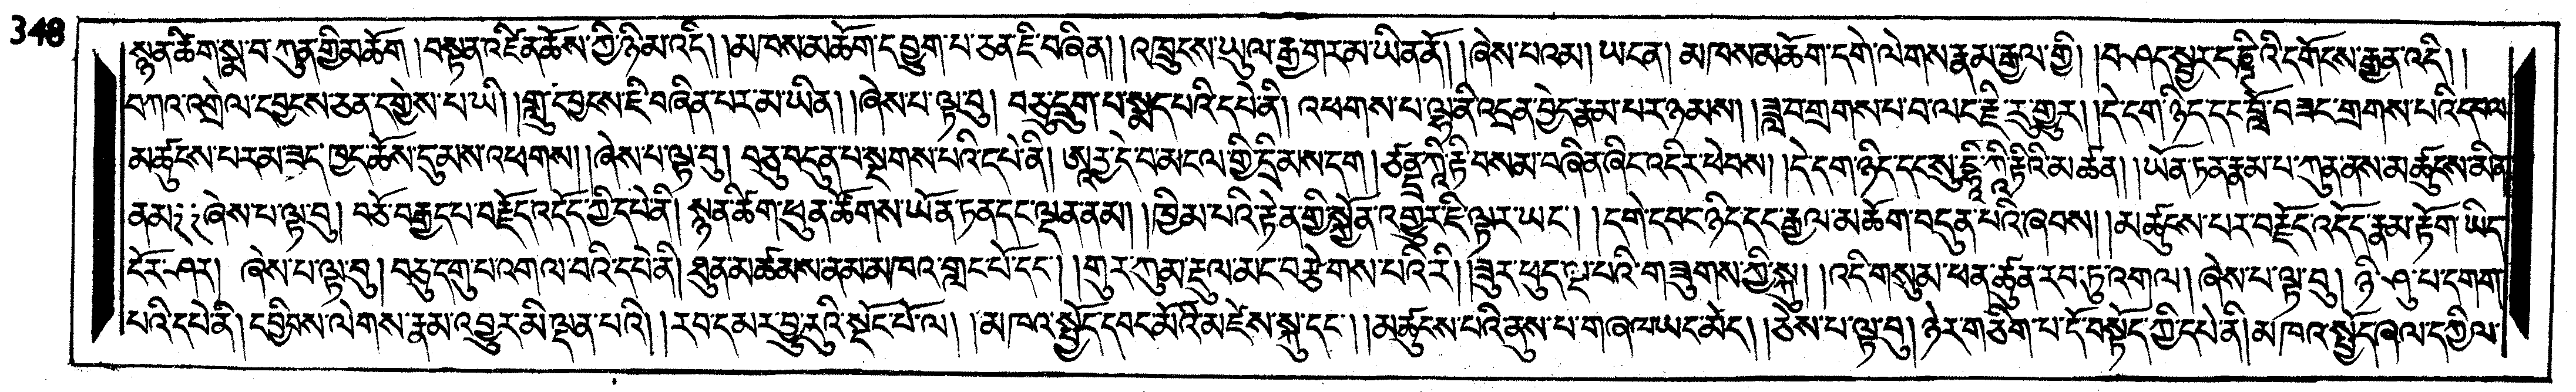སྙན་ཚིག་སྨ་བ་ཀུན་གྱི་མཆོག །བསྟན་འཛིན་ཆོས་ཀྱི་ཉི་མ་འདི། །མཁས་མཆོག་དབྱུག་པ་ཅན་ཇི་བཞིན། །འཁྲུངས་ཡུལ་རྒྱ་གར་མ་ཡིན་ནོ། །ཞེས་པའམ། ཡང་ན། མཁས་མཆོག་དགེ་ལེགས་རྣམ་རྒྱལ་གྱི། །བཤད་སྦྱར་ངཎྚིའི་དགོངས་རྒྱན་འདི། །
བཀའ་འགྲེལ་དབྱངས་ཅན་དགྱེས་པ་ཡི། །གླུ་དབྱངས་ཇི་བཞིན་པར་མ་ཡིན། །ཞེས་པ་ལྟ་བུ། བཅུ་དྲུག་པ་སྨད་པའི་དཔེ་ནི། འཕགས་པ་ལྷ་ནི་འདྲན་བྱེད་རྣམ་པར་ཉམས། །ཟླ་བ་གྲགས་པ་བ་ལང་རྫི་རུ་གྱུར། །དེ་དག་ཉིད་དང་བློ་བཟང་གྲགས་པའི་དཔལ་
མཚུངས་པར་མ་ཟད་ཁྱད་ཆོས་དུ་མས་འཕགས། །ཞེས་པ་ལྟ་བུ། བཅུ་བདུན་པ་སྔགས་པའི་དཔེ་ནི། ཨཱརྱ་དེ་བ་མངལ་གྱི་དྲི་མས་དག །ཙནྡྲ་ཀཱི་རྟི་བསམ་བཞིན་ཞིང་འདིར་ཕེབས། །དེ་དག་ཉིད་དང་སུ་དྷཱི་ཀཱི་རྟིའི་མཚན། །ཡོན་ཏན་རྣམ་པ་ཀུན་ནས་མཚུངས་མིན་
ནམ༑ ༑ཞེས་པ་ལྟ་བུ། བཅོ་བརྒྱད་པ་བརྗོད་འདོད་ཀྱི་དཔེ་ནི། སྙན་ཚིག་ཕུན་ཚོགས་ཡོན་ཏན་དང་ལྡན་ནམ། །ཁྱིམ་པའི་རྟེན་གྱི་སྐྱོན་འགྱུར་ཇི་ལྟར་ཡང་། །དགེ་དབང་ཉིད་དང་རྒྱལ་མཆོག་བདུན་པའི་ཞབས། །མཚུངས་པར་བརྗོད་འདོད་རྣམ་རྟོག་ཡིད་
ངོར་ཤར། ཞེས་པ་ལྟ་བུ། བཅུ་དགུ་པ་འགལ་བའི་དཔེ་ནི། ཐུན་མཚམས་ནམ་མཁའ་གླང་པོ་དང་། །གུར་ཀུམ་རྡུལ་མང་བརྩེགས་པའི་རི། །ཟུར་ཕུད་ལྔ་པའི་གཟུགས་ཀྱི་སྐུ། །འདི་གསུམ་ཕན་ཚུན་རབ་ཏུ་འགལ། ཞེས་པ་ལྟ་བུ། ཉི་ཤུ་པ་དགག་
པའི་དཔེ་ནི། དབྱིབས་ལེགས་རྣམ་འབྱུར་མི་ལྡན་པའི། །རབ་དམར་བྱུ་རུའི་སྡོང་པོ་ལ། །མཁའ་སྤྱོད་དབང་མོའི་མཛེས་སྐུ་དང་། །མཚུངས་པའི་ནུས་པ་གཞལ་ཡང་མེད། །ཅེས་པ་ལྟ་བུ། ཉེར་གཅིག་པ་དོ་བསྟོད་ཀྱི་དཔེ་ནི། མཁའ་སྤྱོད་ཞལ་དཀྱིལ་